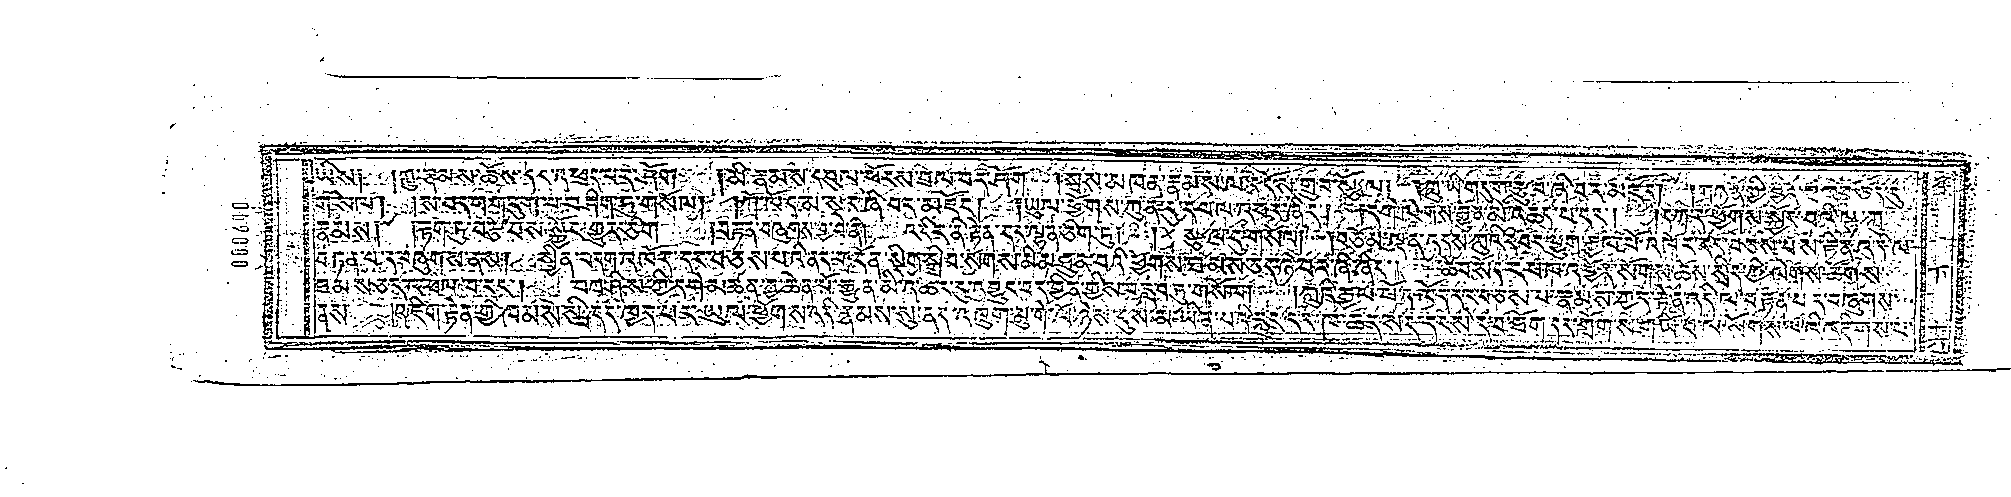༄༅། །དང་བཀྲ་མི་ཤིས་པ་ཐམས་ཅད་ཞི་བ་དང་། རྩི་ཤིང་ལོ་ཏོག་རྒྱས་ཤིང་། མི་ནོར་ཐམས་ཅད་བདེ་ཞིང་སྐྱིད་པ་དང་། ཆོས་ནོར་ལོངས་སྤྱོད་ཕུན་སུམ་ཚོགས་པའི་བཀྲ་ཤིས་
ཀྱི་དགེ་མཚན་རྒྱུན་མི་འཆད་དུ་འབྱུང་བའི་འཕྲིན་ལས་མཛོད་ཅིག །ཨོཾ་སུ་པྲ་ཏིཥཊཿཨ་བཛྲ་ཡེ་སྭཱ་ཧཱ། ཞེས་བརྗོད་ལ་མེ་ཏོག་གཏོར་རོ། །འབྱུང་པོ་གང་དག་འདིར་ནི་སོགས་གོང་དུ་བཤད་པའི་བསྔོ་སྨོན་གྱི། དེ་ནས་བསྡུ་
དགོས་པའི་མཆོད་གཏོར་ཡོད་ན་བསྡུས་ཏེ་རྡོ་ཁང་བཅོས་པ་ཡིན་ཚེ་དེ་ལ་ཐོག་དགའ། ཐོག་དེ་ལ་དྲི་བཟང་གིས་འཁོར་ལོ་བྲི། སྟེང་ནས་ནེའུ་སིང་ངམ་ས་སེས་མནན་ལ་མཁར་གོང་སོགས་ཀྱིས་བརྟན་པོར་བྱའོ། །གསུམ་བ་རབ་གནས་སོགས་བྱ་བ་ནི།
ཆུ་གསུམ་ཉེར་སྤྱོད་ཀྱི་མཆོད་པ་འཐོར་འབྲུ་སོགས་བཤམས་ལ། ས་འོག་ཏུ་ཀླུའི་ཕོ་བྲང་ཡོད་པར་བསམ་ནས། ཨ་མྲྀ་ཏས་བསང་སྦྱངས། སྟོང་པའི་དང་ལས་བྷྲུཾ་ལས་འཁོར་ལོ་བྷྲུཾ་གྱིས་མཚན་པ་ཡོངས་སུ་གྱུར་པ་ལས་རྣམ་པར་སྣང་
མཛད་དཀར་པོ་ཞལ་གཅིག་ཕྱག་གཉིས་ཀྱིས་འཁོར་ལོ་དང་དྲིལ་བུ་འཛིན་པ། རིན་པོ་ཆེའི་རྒྱན་དང་དར་གྱི་ན་བཟའ་གསོལ་བ། རྡོ་རྗེ་སྐྱིལ་ཀྲུང་གིས་བཞུགས་པའི་སྤྱི་བོར་ཨོཾ། མགྲིན་པར་ཨཱཿ་ཐུགས་
ཀར་ཧཱུཾ། དེ་ལས་འོད་འཕྲོས། བཅོམ་ལྡན་འདས་རྣམ་པར་སྣང་མཛད་ལ་སངས་རྒྱས་དང་བྱང་ཆུབ་སེམས་དཔའི་ཚོགས་ཀྱིས་བསྐོར་བ་སྤྱན་དྲངས། ཨོཾ་ཨཱཿ་ཧྲཱིཿ་བྲ་ཝ་ར་སད་ཀ་རཾ་པཱ་དྱཾ་པྲ་ཏཱི་ཙྪ་